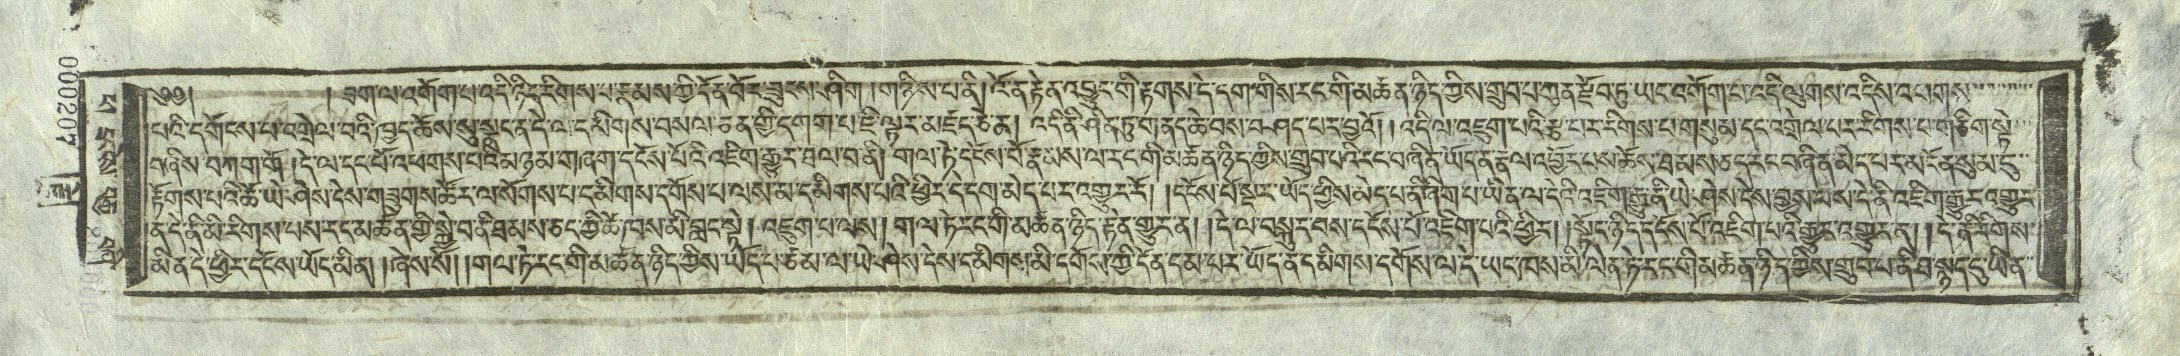༄༅། །ཟག་ལ་འགོག་པ་འདི་ཉིད་རིགས་པ་རྣམས་ཀྱི་དོན་པོར་ཟུངས་ཤིག །གཉིས་པ་ནི། འོ་ན་རྟེན་འབྱུང་གི་རྟགས་དེ་དག་གིས་རང་གི་མཚན་ཉིད་ཀྱིས་གྲུབ་པ་ཀུན་རྫོབ་ཏུ་ཡང་འགོག་པ་འདི་ལུགས་འདིས་འཕགས་
པའི་དགོངས་པ་འགྲེལ་བའི་ཁྱད་ཆོས་སུ་སྣང་ན་དེ་ལ་དམིགས་བསལ་ཅན་གྱི་དགག་པ་ཇི་ལྟར་མཛད་ཅེ་ན། འདི་ནི་ཤིན་ཏུ་གནད་ཆེ་བས་བཤད་པར་བྱའོ། །འདི་ལ་འཇུག་པའི་རྩ་བར་རིགས་པ་གསུམ་དང་འགྲེལ་པར་རིགས་པ་གཅིག་སྟེ་
བཞིས་བཀག་གོ། དེ་ལ་དང་པོ་འཕགས་པའི་མཉམ་གཞག་དངོས་པོའི་འཇིག་རྒྱུར་ཐལ་བ་ནི། གལ་ཏེ་དངོས་པོ་རྣམས་ལ་རང་གི་མཚན་ཉིད་ཀྱིས་གྲུབ་པའི་རང་བཞིན་ཡོད་ན་རྣལ་འབྱོར་པས་ཆོས་ཐམས་ཅད་རང་བཞིན་མེད་པར་མངོན་སུམ་དུ་
རྟོགས་པའི་ཚེ་ཡེ་ཤེས་དེས་གཟུགས་ཚོར་ལ་སོགས་པ་དམིགས་དགོས་པ་ལས་མ་དམིགས་པའི་ཕྱིར་དེ་དག་མེད་པར་འགྱུར་རོ། །དངོས་པོ་སྔར་ཡོད་ཕྱིས་མེད་པ་ནི་ཞིག་པ་ཡིན་ལ་དེའི་འཇིག་རྒྱུ་ནི་ཡེ་ཤེས་དེས་བྱས་པས་དེ་ནི་འཇིག་རྒྱུར་འགྱུར་
ན་དེ་ནི་མི་རིགས་པས་རང་མཚན་གྱི་སྐྱེ་བ་ནི་ཐམས་ཅད་ཀྱི་ཚེ་ཁས་མི་བླང་སྟེ། འཇུག་པ་ལས། གལ་ཏེ་རང་གི་མཚན་ཉིད་རྟེན་གྱུར་ན། །དེ་ལ་བསྐུར་པས་དངོས་པོ་འཇིག་པའི་ཕྱིར། །སྟོང་ཉིད་དངོས་པོ་འཇིག་པའི་རྒྱུར་འགྱུར་ན། །དེ་ནི་རིགས་
མིན་དེ་ཕྱིར་དངོས་ཡོད་མིན། །ཞེས་སོ། །གལ་ཏེ་རང་གི་མཚན་ཉིད་ཀྱིས་ཡོད་པ་ཙམ་ལ་ཡེ་ཤེས་དེས་དམིགས་མི་དགོས་ཀྱི་དོན་དམ་པར་ཡོད་ན་དམིགས་དགོས་ལ་དེ་ཡང་ཁས་མི་ལེན་ཏེ་རང་གི་མཚན་ཉིད་ཀྱིས་གྲུབ་པ་ནི་ཐ་སྙད་དུ་ཡིན་